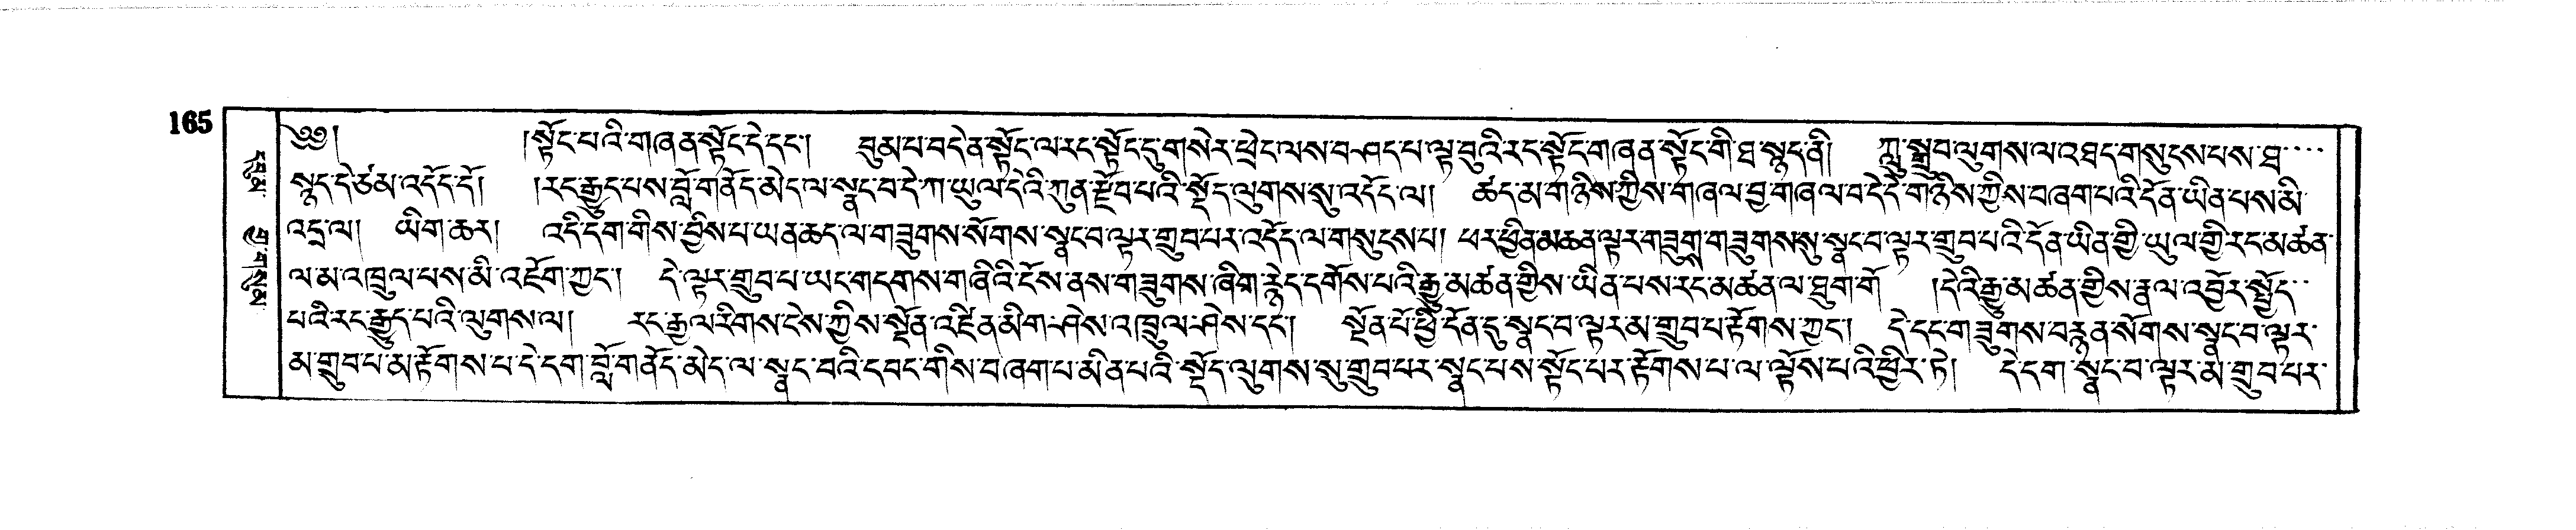༄༅། །སྟོང་པའི་གཞན་སྟོང་དེ་དང་། བུམ་པ་བདེན་སྟོང་ལ་རང་སྟོང་དུ་གསེར་ཕྲེང་ལས་བཤད་པ་ལྟ་བུའི་རང་སྟོང་གཞན་སྟོང་གི་ཐ་སྙད་ནི། ཀླུ་སྒྲུབ་ལུགས་ལ་འཐད་གསུངས་པས་ཐ་
སྙད་དེ་ཙམ་འདོད་དོ། །རང་རྒྱུད་པས་བློ་གནོད་མེད་ལ་སྣང་བ་དེ་ཀ་ཡུལ་དེའི་ཀུན་རྫོབ་པའི་སྡོད་ལུགས་སུ་འདོད་ལ། ཚད་མ་གཉིས་ཀྱིས་གཞལ་བྱ་གཞལ་བ་དེ་དེ་གཉིས་ཀྱིས་བཞག་པའི་དོན་ཡིན་པས་མི་
འདྲ་ལ། ཡིག་ཆར། འདི་དག་གིས་བྱིས་པ་ཡན་ཆད་ལ་གཟུགས་སོགས་སྣང་བ་ལྟར་གྲུབ་པར་འདོད་ལ་གསུངས་པ། ཕར་ཕྱིན་མཆན་ལྟར་གཟུགས་གཟུགས་སུ་སྣང་བ་ལྟར་གྲུབ་པའི་དོན་ཡིན་གྱི་ཡུལ་གྱི་རང་མཚན་
ལ་མ་འཁྲུལ་པས་མི་འཇོག་ཀྱང་། དེ་ལྟར་གྲུབ་པ་ཡང་གདགས་གཞིའི་ངོས་ནས་གཟུགས་ཞིག་རྙེད་དགོས་པའི་རྒྱུ་མཚན་གྱིས་ཡིན་པས་རང་མཚན་ལ་ཐུག་གོ །དེའི་རྒྱུ་མཚན་གྱིས་རྣལ་འབྱོར་སྤྱོད་
པའི་རང་རྒྱུད་པའི་ལུགས་ལ། རང་རྒྱལ་རིགས་ངེས་ཀྱིས་སྔོན་འཛིན་མིག་ཤེས་འཁྲུལ་ཤེས་དང་། སྔོན་པོ་ཕྱི་དོན་དུ་སྣང་བ་ལྟར་མ་གྲུབ་པ་རྟོགས་ཀྱང་། དེ་དང་གཟུགས་བརྙན་སོགས་སྣང་བ་ལྟར་
མ་གྲུབ་པ་མ་རྟོགས་པ་དེ་དག་བློ་གནོད་མེད་ལ་སྣང་བའི་དབང་གིས་བཞག་པ་མིན་པའི་སྡོད་ལུགས་སུ་གྲུབ་པར་སྣང་བས་སྟོང་པར་རྟོགས་པ་ལ་ལྟོས་པའི་ཕྱིར་ཏེ། དེ་དག་སྣང་བ་ལྟར་མི་གྲུབ་པར་